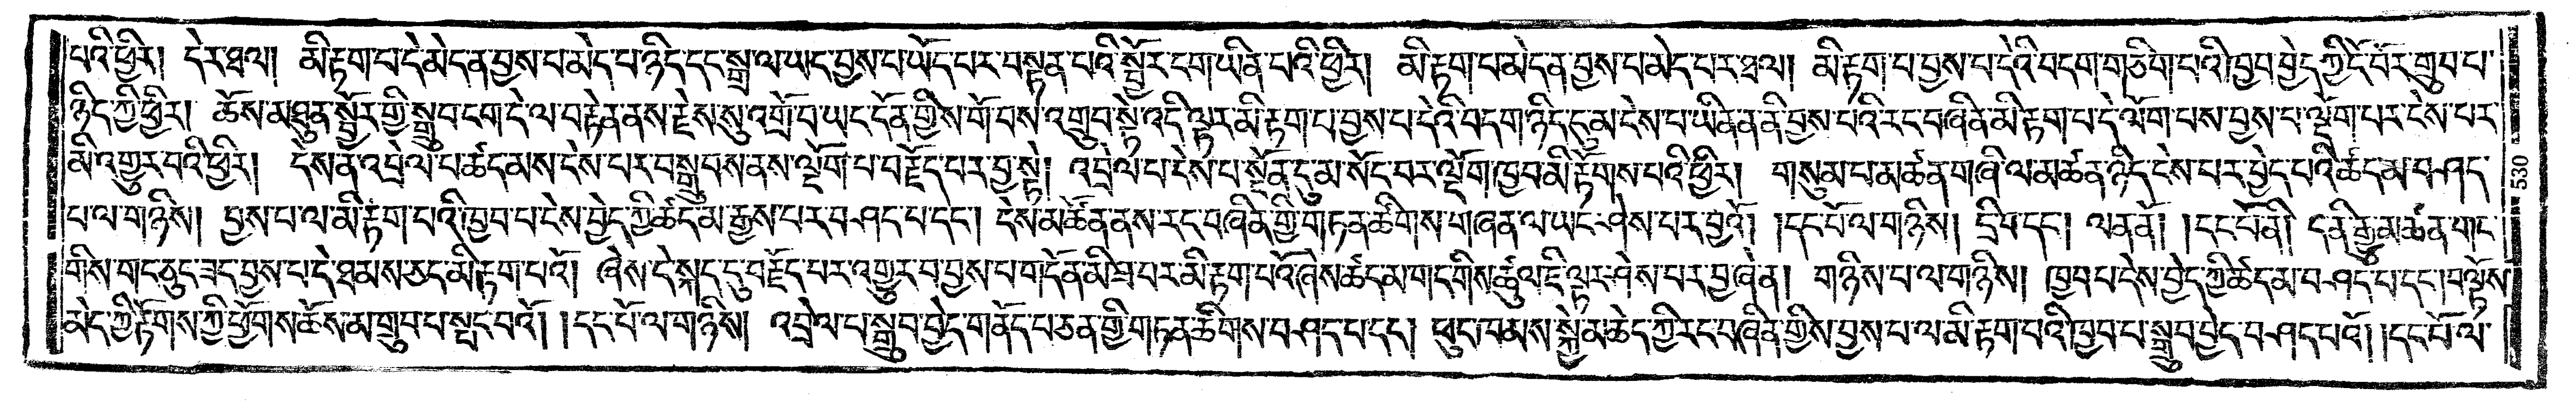པའི་ཕྱིར། དེར་ཐལ། མི་རྟག་པ་དེ་མེད་ན་བྱས་པ་མེད་པ་ཉིད་དང་སྒྲ་ལ་ཡང་བྱས་པ་ཡོད་པར་བསྟན་པའི་སྦྱོར་ངག་ཡིན་པའི་ཕྱིར། མི་རྟག་པ་མེད་ན་བྱས་པ་མེད་པར་ཐལ། མི་རྟག་པ་བྱས་པ་དེའི་བདག་གཅིག་པའི་ཁྱབ་བྱེད་ཀྱི་ངོ་བོར་གྲུབ་པ་
ཉིད་ཀྱི་ཕྱིར། ཆོས་མཐུན་སྦྱོར་གྱི་སྒྲུབ་ངག་དེ་ལ་བརྟེན་ནས་རྗེས་སུ་འགྲོ་བ་ཡང་དོན་གྱིས་གོ་བས་འགྲུབ་སྟེ་འདི་ལྟར་མི་རྟག་པ་བྱས་པ་དེའི་བདག་ཉིད་དུ་མ་ངེས་པ་ཡིན་ན་ནི་བྱས་པའི་རང་བཞིན་མི་རྟག་པ་དེ་ལོག་པས་བྱས་པ་ལྡོག་པར་ངེས་པར་
མི་འགྱུར་བའི་ཕྱིར། དེས་ན་འབྲེལ་པ་ཚད་མས་ངེས་པར་བསྒྲུབས་ནས་ལྡོག་པ་བརྗོད་པར་བྱ་སྟེ། འབྲེལ་པ་ངེས་པ་སྔོན་དུ་མ་སོང་བར་ལྡོག་ཁྱབ་མི་རྟོགས་པའི་ཕྱིར། གསུམ་པ་མཚན་གཞི་ལ་མཚན་ཉིད་ངེས་པར་བྱེད་པའི་ཚད་མ་བཤད་
པ་ལ་གཉིས། བྱས་པ་ལ་མི་རྟག་པའི་ཁྱབ་པ་ངེས་བྱེད་ཀྱི་ཚད་མ་རྒྱས་པར་བཤད་པ་དང་། དེས་མཚོན་ནས་རང་བཞིན་གྱི་གཏན་ཚིགས་གཞན་ལ་ཡང་ཤེས་པར་བྱའོ། །དང་པོ་ལ་གཉིས། དྲི་བ་དང་། ལན་ནོ། །དང་པོ་ནི། ད་ནི་རྒྱུ་མཚན་གང་
གིས་གང་ཅུང་ཟད་བྱས་པ་དེ་ཐམས་ཅད་མི་རྟག་པའོ། ཞེས་དེ་སྐད་དུ་བརྗོད་པར་འགྱུར་བ་བྱས་པ་གདོན་མི་ཟ་བར་མི་རྟག་པའོ་ཞེས་ཚད་མ་གང་གིས་ཚུལ་ཇི་ལྟར་ཤེས་པར་བྱ་ཞེ་ན། གཉིས་པ་ལ་གཉིས། ཁྱབ་པ་དེས་བྱེད་ཀྱི་ཚད་མ་བཤད་པ་དང་། བལྟོས་
མེད་ཀྱི་རྟོགས་ཀྱི་ཕྱོགས་ཆོས་མ་གྲུབ་པ་སྤང་བའོ། །དང་པོ་ལ་གཉིས། འབྲེལ་པ་སྒྲུབ་བྱེད་གནོད་པ་ཅན་གྱི་གཏན་ཚིགས་བཤད་པ་དང་། ཕུང་ཁམས་སྐྱེ་མཆེད་ཀྱི་རང་བཞིན་གྱིས་བྱས་པ་ལ་མི་རྟག་པའི་ཁྱབ་པ་སྒྲུབ་བྱེད་བཤད་པའོ། །དང་པོ་ལ་